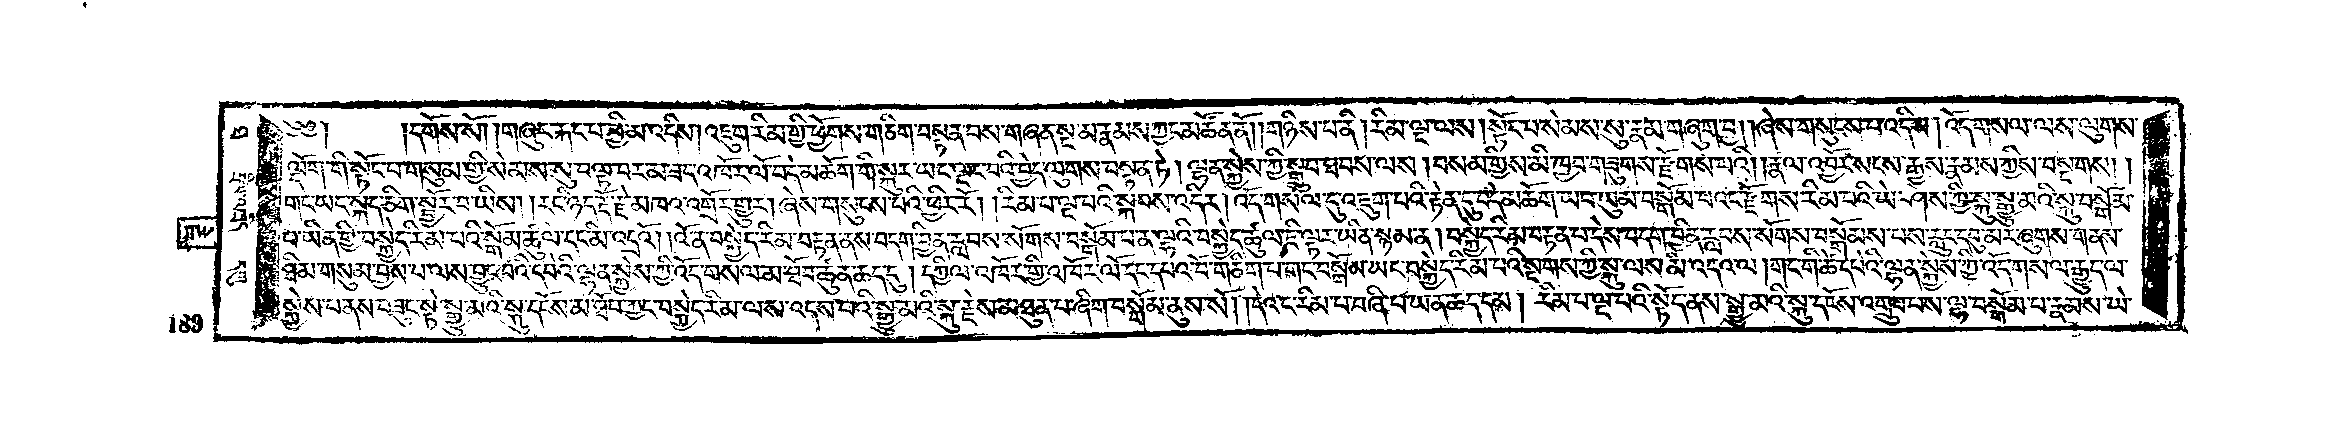༄༅། །དགོས་སོ། །གཞུང་རྐང་པ་ཕྱི་མ་འདིས། འཇུག་རིམ་གྱི་ཕྱོགས་གཅིག་བསྟན་པས་གཞན་སྔ་མ་རྣམས་ཀྱང་མཚོན་ནོ། །གཉིས་པ་ནི། རིམ་ལྔ་ལས། སྟོང་པ་སེམས་སུ་རྣམ་གཞུག་བྱ། །ཞེས་གསུངས་པ་འདིས། འོད་གསལ་ལས་ལུགས་
ལྡོག་གི་སྟོང་པ་གསུམ་གྱི་སེམས་སུ་བལྟ་བར་མ་ཟད་འཁོར་ལོ་བདེ་མཆོག་གི་སྐུར་ཡང་ལྡང་བའི་བྱེད་ལུགས་བསྟན་ཏེ། ལྷན་སྐྱེས་ཀྱི་སྒྲུབ་ཐབས་ལས། བསམ་གྱིས་མི་ཁྱབ་གཟུགས་རྫོགས་པའི། །རྣལ་འབྱོར་སངས་རྒྱས་རྣམས་ཀྱིས་བསྔགས། །
གང་ཡང་སྐད་ཅིག་སྦྱོར་བ་ཡིས། །རང་ཉིད་རྡོ་རྗེ་མཁའ་འགྲོར་གྱུར། ཞེས་གསུངས་པའི་ཕྱིར་རོ། །རིམ་པ་ལྔ་པའི་སྐབས་འདིར། འོད་གསལ་དུ་འཇུག་པའི་རྟེན་དུ་བདེ་མཆོག་ཡབ་ཡུམ་བསྒོམ་པའང་རྫོགས་རིམ་པའི་ཡེ་ཤེས་ཀྱི་སྐུ་སྒྱུ་མའི་སྐུ་བསྒོམ་
པ་ཡིན་གྱི་བསྐྱེད་རིམ་པའི་སྒོམ་ཚུལ་དང་མི་འདྲའོ། །འོ་ན་བསྐྱེད་རིམ་བརྟན་ནས་བདག་བྱིན་རླབས་སོགས་བསྒོམ་པ་ན་ལྷའི་བསྐྱེད་ཚུལ་ཇི་ལྟར་ཡིན་སྙམ་ན། བསྐྱེད་རིམ་བརྟན་པ་དེས་བདག་བྱིན་རླབས་སོགས་བསྒོམས་པས་རླུང་དབུ་མར་ཞུགས་གནས་
ཐིམ་གསུམ་བྱས་པ་ལས་བྱུང་བའི་དཔེའི་ལྷན་སྐྱེས་ཀྱི་འོད་གསལ་མ་ཐོབ་ཚུན་ཆད་དུ། དཀྱིལ་འཁོར་གྱི་འཁོར་ལོ་དང་དཔའ་བོ་གཅིག་པ་གང་བསྒོམ་ཡང་བསྐྱེད་རིམ་པའི་སྔགས་ཀྱི་སྐུ་ལས་མི་འདའ་ལ། གང་གི་ཚེ་དཔེའི་ལྷན་སྐྱེས་ཀྱི་འོད་གསལ་རྒྱུད་ལ་
སྐྱེས་པ་ནས་བཟུང་སྟེ་སྒྱུ་མའི་སྐུ་དངོས་མ་ཐོབ་ཀྱང་བསྐྱེད་རིམ་ལས་འདས་པའི་སྒྱུ་མའི་སྐུ་རྗེས་མཐུན་པ་ཞིག་བསྒོམ་ནུས་སོ། །དེའང་རིམ་པ་བཞི་པ་ཡན་ཆད་དམ། རིམ་པ་ལྔ་པའི་སྟོད་ནས་སྒྱུ་མའི་སྐུ་དངོས་འགྲུབ་པས་ལྷ་བསྒོམ་པ་རྣམས་ཡེ་